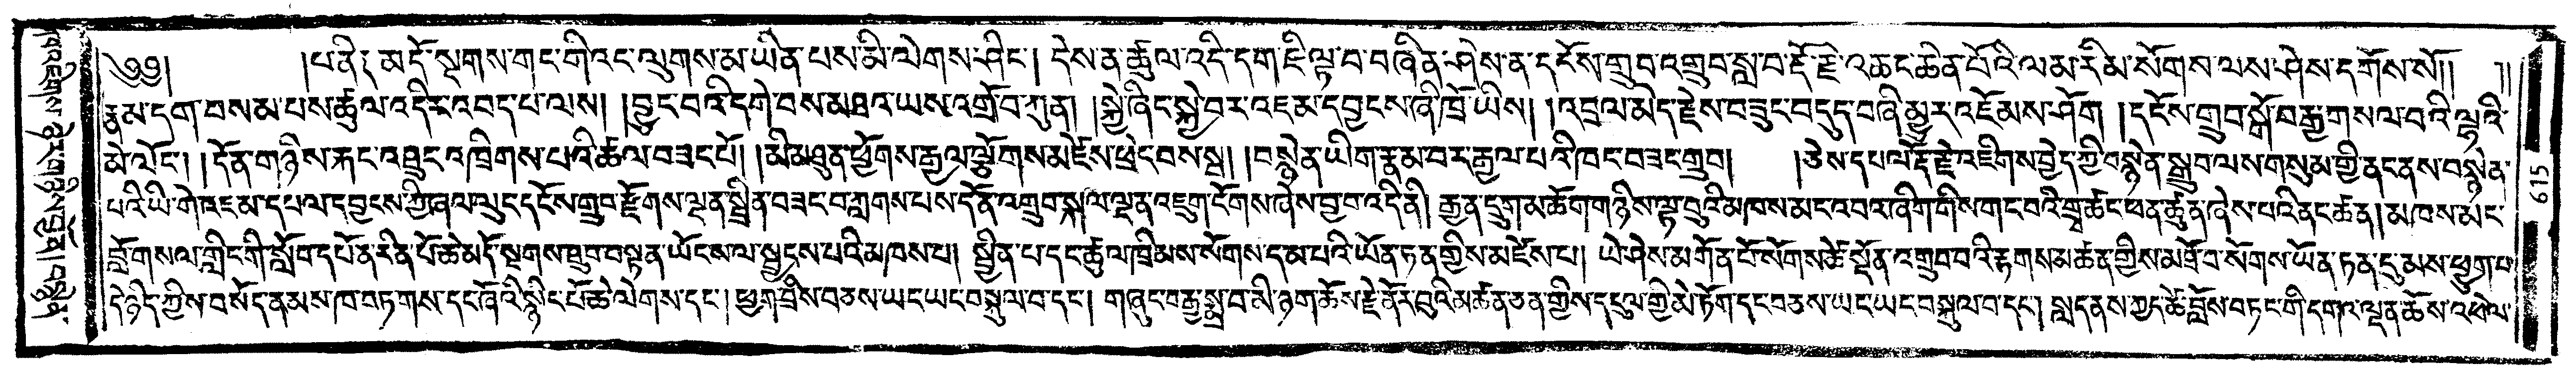༄༅། །པ་ནི༑ མདོ་སྔགས་གང་གིའང་ལུགས་མ་ཡིན་པས་མི་ལེགས་ཤིང་། དེས་ན་ཚུལ་འདི་དག་ཇི་ལྟ་བ་བཞིན་ཤེས་ན་དངོས་གྲུབ་འགྲུབ་སླ་བ་རྡོ་རྗེ་འཆང་ཆེན་པོའི་ལམ་རིམ་སོགས་ལས་ཤེས་དགོས་སོ།། །།
རྣམ་དག་བསམ་པས་ཚུལ་འདིར་འབད་པ་ལས། །བྱུང་བའི་དགེ་བས་མཐའ་ཡས་འགྲོ་བ་ཀུན། །སྐྱེ་ཞིང་སྐྱེ་བར་འཇམ་དབྱངས་ཞི་ཁྲོ་ཡིས། །འབྲལ་མེད་རྗེས་བཟུང་བདུད་བཞི་མྱུར་འཇོམས་ཤོག །དངོས་གྲུབ་སྒོ་བརྒྱ་གསལ་བའི་ལྷའི་
མེ་ལོང་། །དོན་གཉིས་རྐང་འཐུང་འཁྲིགས་པའི་ཚལ་བཟང་པོ། །མི་མཐུན་ཕྱོགས་རྒྱལ་ལྕོགས་མཛེས་ཕྲེང་བས་སྦ། །བསྙེན་ཡིག་རྣམ་བར་རྒྱལ་པའི་ཁང་བཟང་གྲུབ། །ཅེས་དཔལ་རྡོ་རྗེ་འཇིགས་བྱེད་ཀྱི་བསྙེན་སྒྲུབ་ལས་གསུམ་གྱི་ནང་ནས་བསྙེན་
པའི་ཡི་གེ་འཇམ་དཔལ་དབྱངས་ཀྱི་ཞལ་ལུང་དངོས་གྲུབ་རྫོགས་ལྡན་སྤྲིན་བཟང་བ་ཀླགས་པས་དོན་འགྲུབ་སྐལ་ལྡན་འཇུག་ངོགས་ཞེས་བྱ་བ་འདི་ནི། རྒྱན་དྲུག་མཆོག་གཉིས་ལྟ་བུའི་མཁས་མང་འབའ་ཞིག་གིས་གང་བའི་གྲྭ་ཚང་ཕན་ཚུན་ཞེས་པའི་ནང་ཚན། མཁས་མང་
བློ་གསལ་གླིང་གི་སློབ་དཔོན་རིན་པོ་ཆེ་མདོ་སྔགས་ཐུབ་བསྟན་ཡོངས་ལ་སྦྱངས་པའི་མཁས་པ། སྦྱིན་པ་དང་ཚུལ་ཁྲིམས་སོགས་དམ་པའི་ཡོན་ཏན་གྱིས་མཛེས་པ། ཡེ་ཤེས་མགོན་པོ་སོགས་ཚེ་སྔོན་འགྲུབ་པའི་རྟགས་མཚན་གྱིས་མཐོ་བ་སོགས་ཡོན་ཏན་དུ་མས་ཕྱུག་པ་
དེ་ཉིད་ཀྱིས་བསོད་ནམས་ཁ་བཏགས་དང་ཞོའི་སྙིང་པོ་ཆེ་ལེགས་དང་། ཕྱག་བྲིས་བཅས་ཡང་ཡང་བསྐུལ་བ་དང་། གཞུང་བརྒྱ་སྨྲ་བ་མི་ཉག་ཆོས་རྗེ་ནོར་བུའི་མཚན་ཅན་གྱིས་དངུལ་གྱི་མེ་ཏོག་དང་བཅས་ཡང་ཡང་བསྐུལ་བ་དང་། སླད་ནས་ཀྱང་ཚེ་བློས་བཏང་གི་དགའ་ལྡན་ཆོས་འཕེལ་